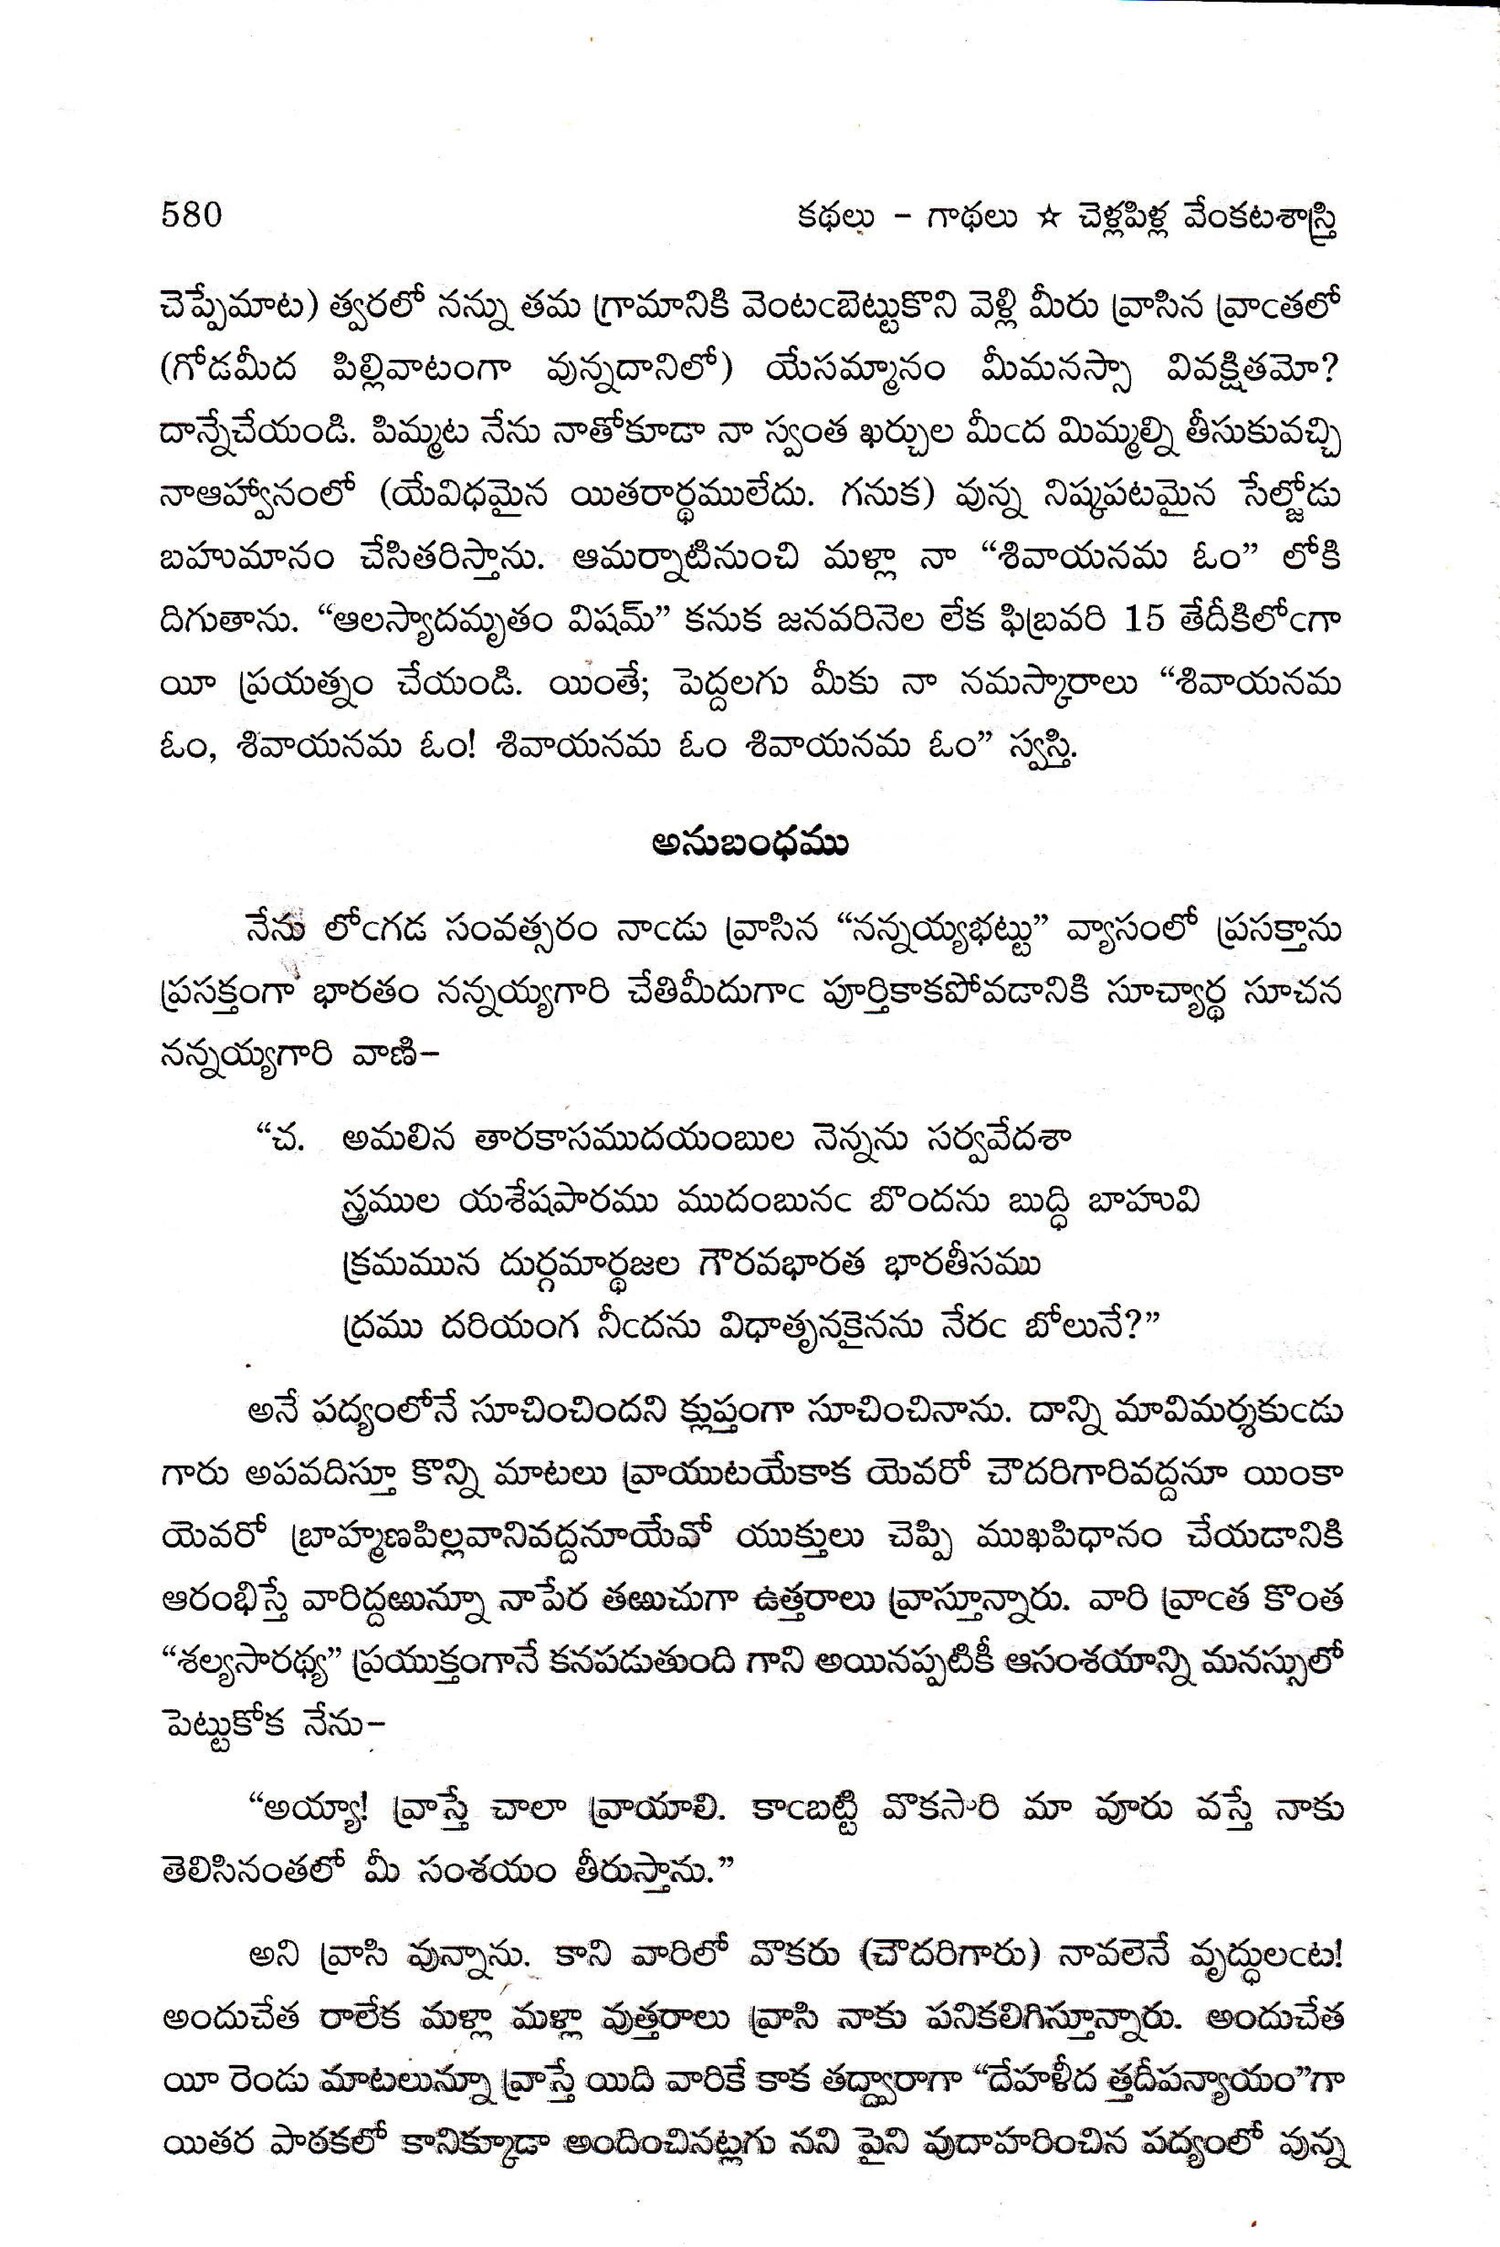చెప్పేమాట) త్వరలో నన్ను తమ గ్రామానికి వెంటఁబెట్టుకొని వెళ్లి మీరు వ్రాసిన వ్రాఁతలో (గోడమీద పిల్లివాటంగా వున్నదానిలో) యేసమ్మానం మీమనస్సా వివక్షితమో? దాన్నేచేయండి. పిమ్మట నేను నాతోకూడా నా స్వంత ఖర్చుల మీఁద మిమ్మల్ని తీసుకువచ్చి నాఆహ్వానంలో (యేవిధమైన యితరార్థములేదు. గనుక) వున్న నిష్కపటమైన సేల్జోడు బహుమానం చేసి తరిస్తాను. ఆమర్నాటినుంచి మళ్లా నా “శివాయనమ ఓం” లోకి దిగుతాను. "ఆలస్యాదమృతం విషమ్" కనుక జనవరినెల లేక ఫిబ్రవరి 15 తేదీకిలోఁగా యీ ప్రయత్నం చేయండి. యింతే పెద్దలగు మీకు నా నమస్కారాలు "శివాయనమ ఓం, శివాయనమ ఓం! శివాయనమ ఓం శివాయనమ ఓం" స్వస్తి.

అనుబంధము

నేను లోఁగడ సంవత్సరం నాఁడు వ్రాసిన “నన్నయ్యభట్టు" వ్యాసంలో ప్రసక్తాను ప్రసక్తంగా భారతం నన్నయ్యగారి చేతిమీదుగాఁ పూర్తికాకపోవడానికి సూచ్యార్థ సూచన నన్నయ్యగారి వాణి- 

"చ. అమలిన తారకాసముదయంబుల నెన్నను సర్వవేదశా
 స్త్రముల యశేషపారము ముదంబునఁ బొందను బుద్ధి బాహువి 
 క్రమమున దుర్గమార్థజల గౌరవభారత భారతీసము 
 ద్రము దరియంగ నీఁదను విధాతృనకైనను నేరఁ బోలునే?"
అనే పద్యంలోనే సూచించిందని క్లుప్తంగా సూచించినాను. దాన్ని మావిమర్శకుఁడు గారు అపవదిస్తూ కొన్ని మాటలు వ్రాయుటయేకాక యెవరో చౌదరిగారివద్దనూ యింకా యెవరో బ్రాహ్మణపిల్లవానివద్దనూయేవో యుక్తులు చెప్పి ముఖపిధానం చేయడానికి ఆరంభిస్తే వారిద్దఱున్నూ నాపేర తఱుచుగా ఉత్తరాలు వ్రాస్తూన్నారు. వారి వ్రాఁత కొంత “శల్యసారథ్య" ప్రయుక్తంగానే కనపడుతుంది గాని అయినప్పటికీ ఆసంశయాన్ని మనస్సులో పెట్టుకోక నేను-

“అయ్యా! వ్రాస్తే చాలా వ్రాయాలి. కాఁబట్టి వొకసారి మా వూరు వస్తే నాకు తెలిసినంతలో మీ సంశయం తీరుస్తాను.”

అని వ్రాసి వున్నాను. కాని వారిలో వొకరు (చౌదరిగారు) నావలెనే వృద్దులఁట! అందుచేత రాలేక మళ్లా మళ్లా వుత్తరాలు వ్రాసి నాకు పనికలిగిస్తూన్నారు. అందుచేత యీ రెండు మాటలున్నూ వ్రాస్తే యిది వారికే కాక తద్ద్వారాగా "దేహళీదత్తదీపన్యాయం"గా యితర పాఠకలో కానిక్కూడా అందించినట్లగు నని పైని వుదాహరించిన పద్యంలో వున్న